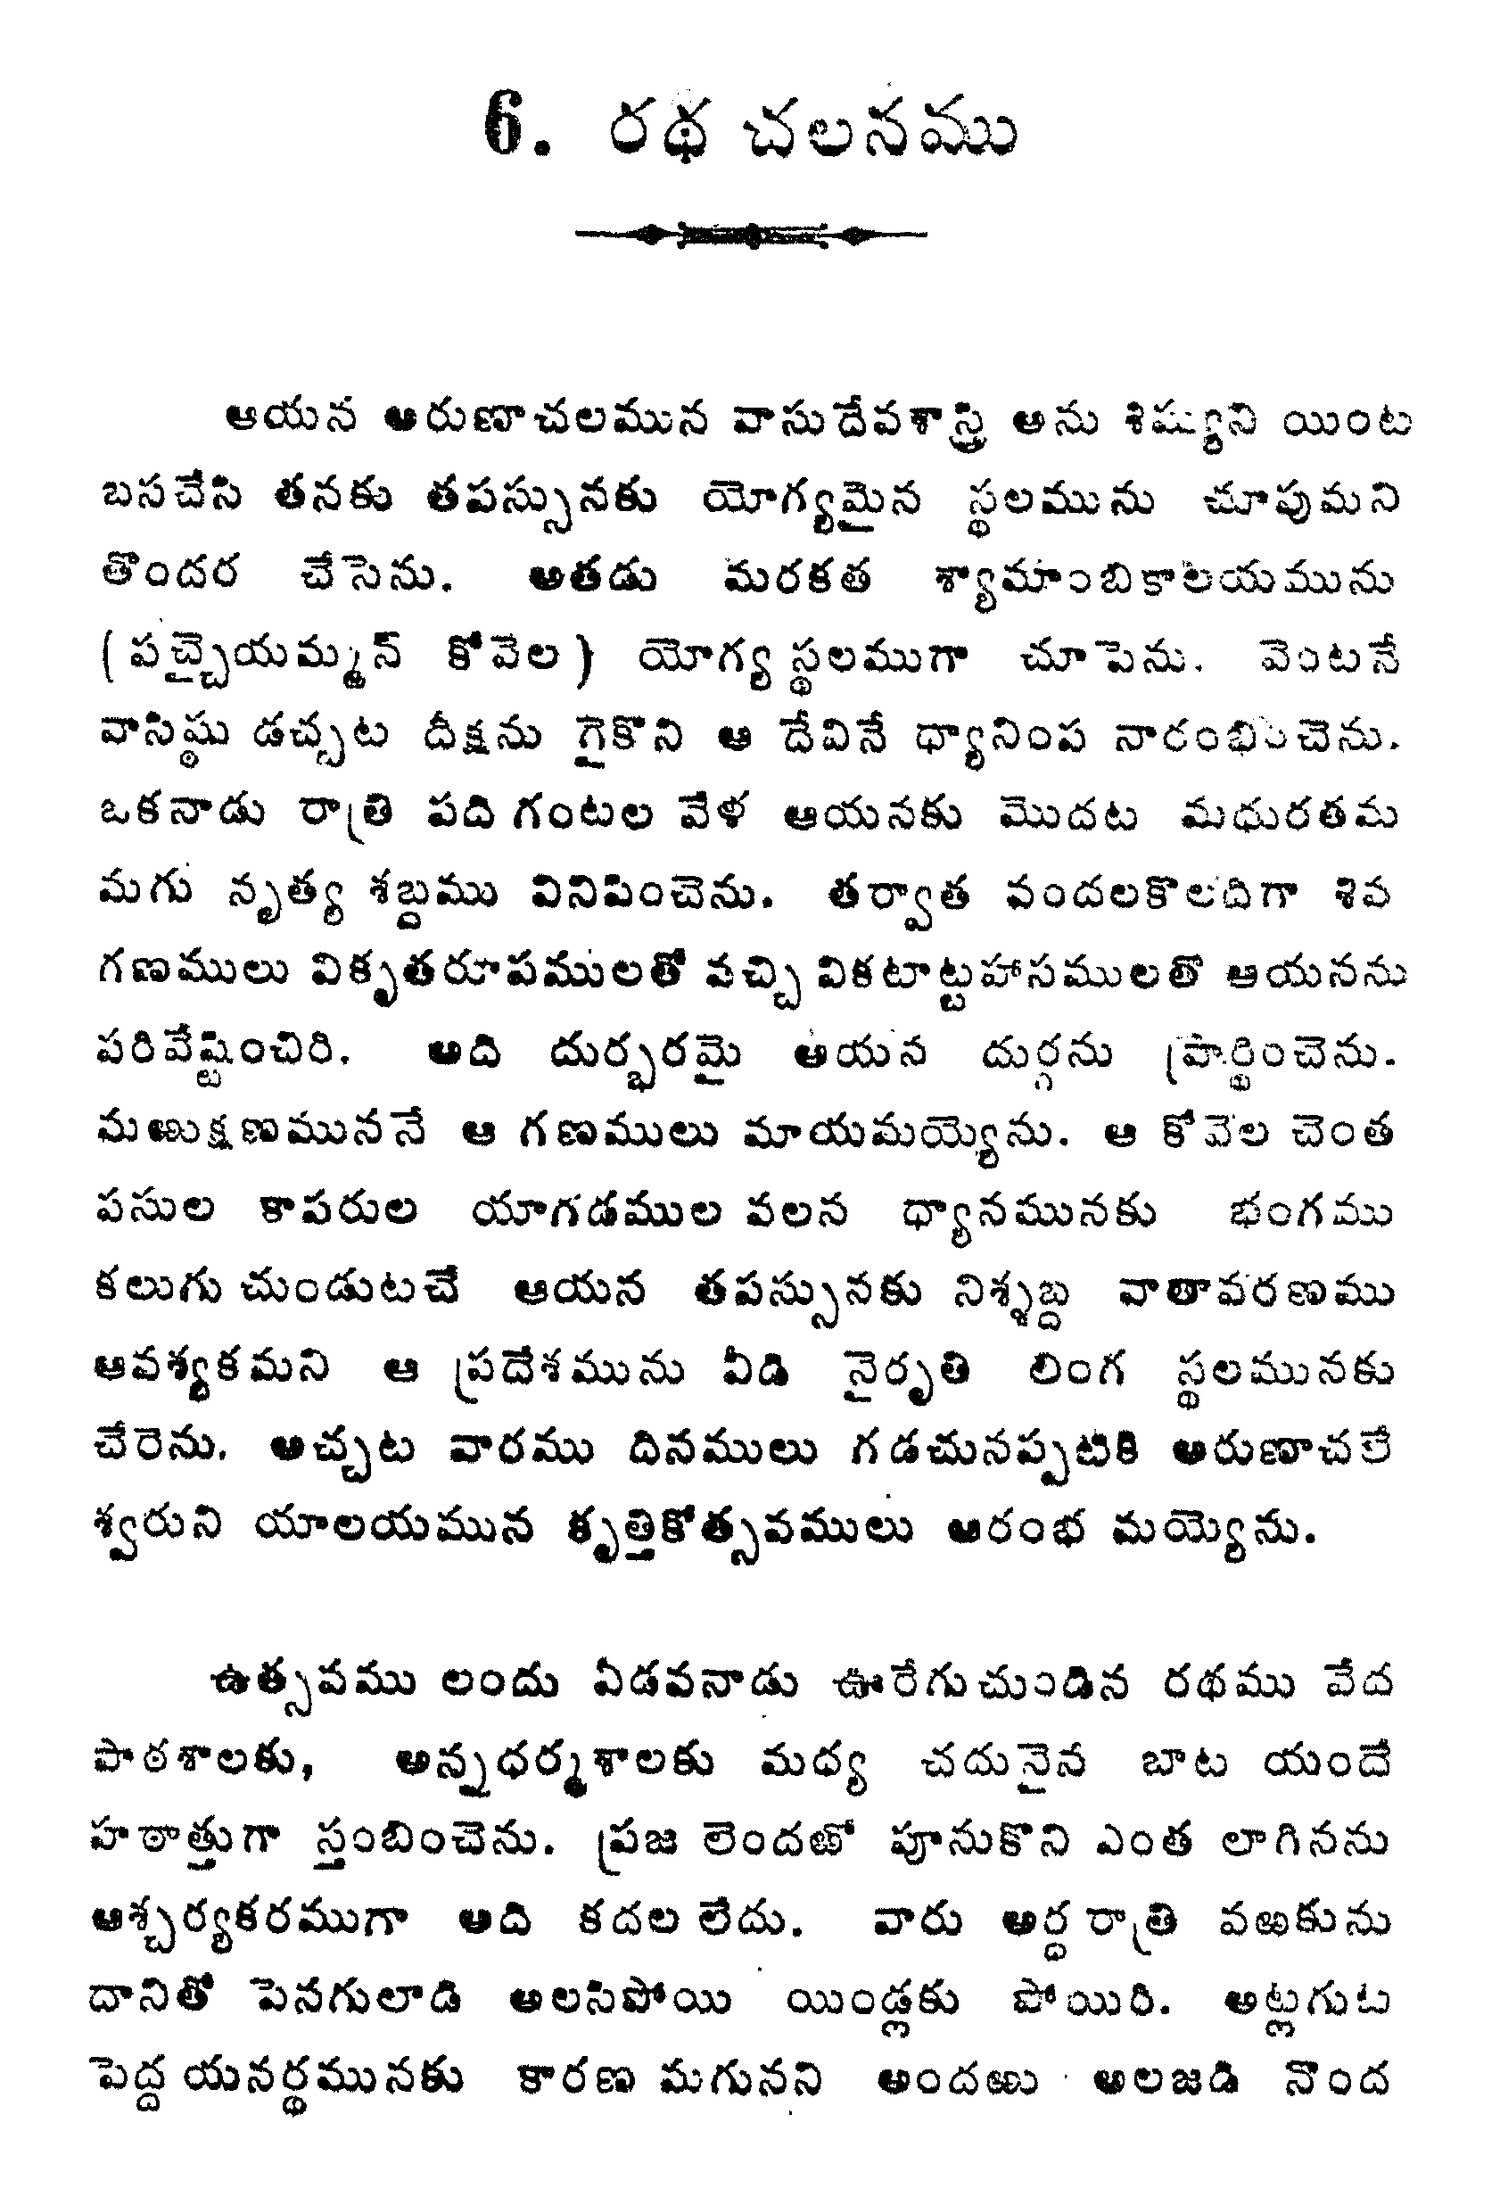ఆయన అరుణాచలమున వాసుదేవశాస్త్రి అను శిష్యుని యింట బసచేసి తనకు తపస్సునకు యోగ్యమైన స్థలమును చూపుమని తొందర చేసెను. అతడు మరకత శ్యామాంబికాలయమును (పచ్చైయమ్మన్ కోవెల) యోగ్యస్థలముగా చూపెను. వెంటనే వాసిష్ఠు డచ్చట దీక్షను గైకొని ఆ దేవినే ధ్యానింప నారంభించెను. ఒకనాడు రాత్రి పది గంటల వేళ ఆయనకు మొదట మధురతమ మగు నృత్య శబ్దము వినిపించెను. తర్వాత వందలకొలదిగా శివ గణములు వికృతరూపములతో వచ్చి వికటాట్టహాసములతో ఆయనను పరివేష్ఠించిరి. అది దుర్భరమై ఆయన దుర్గను ప్రార్థించెను. మఱుక్షణముననే ఆ గణములు మాయమయ్యెను. ఆ కోవెల చెంత పసుల కాపరుల యాగడముల వలన ధ్యానమునకు భంగము కలుగు చుండుటచే ఆయన తపస్సునకు నిశ్శబ్ద వాతావరణము ఆవశ్యకమని ఆ ప్రదేశమును వీడి నైరృతి లింగ స్థలమునకు చేరెను. అచ్చట వారము దినములు గడచునప్పటికి అరుణాచలేశ్వరుని యాలయమున కృత్తికోత్సవములు ఆరంభ మయ్యెను.

ఉత్సవము లందు ఏడవనాడు ఊరేగుచుండిన రథము వేద పాఠశాలకు, అన్నధర్మశాలకు మధ్య చదునైన బాట యందే హఠాత్తుగా స్తంభించెను. ప్రజ లెందఱో పూనుకొని ఎంత లాగినను ఆశ్చర్యకరముగా అది కదల లేదు. వారు అర్ధ రాత్రి వఱకును దానితో పెనగులాడి అలసిపోయి యిండ్లకు పోయిరి. అట్లగుట పెద్ద యనర్థమునకు కారణ మగునని అందఱు అలజడి నొంద